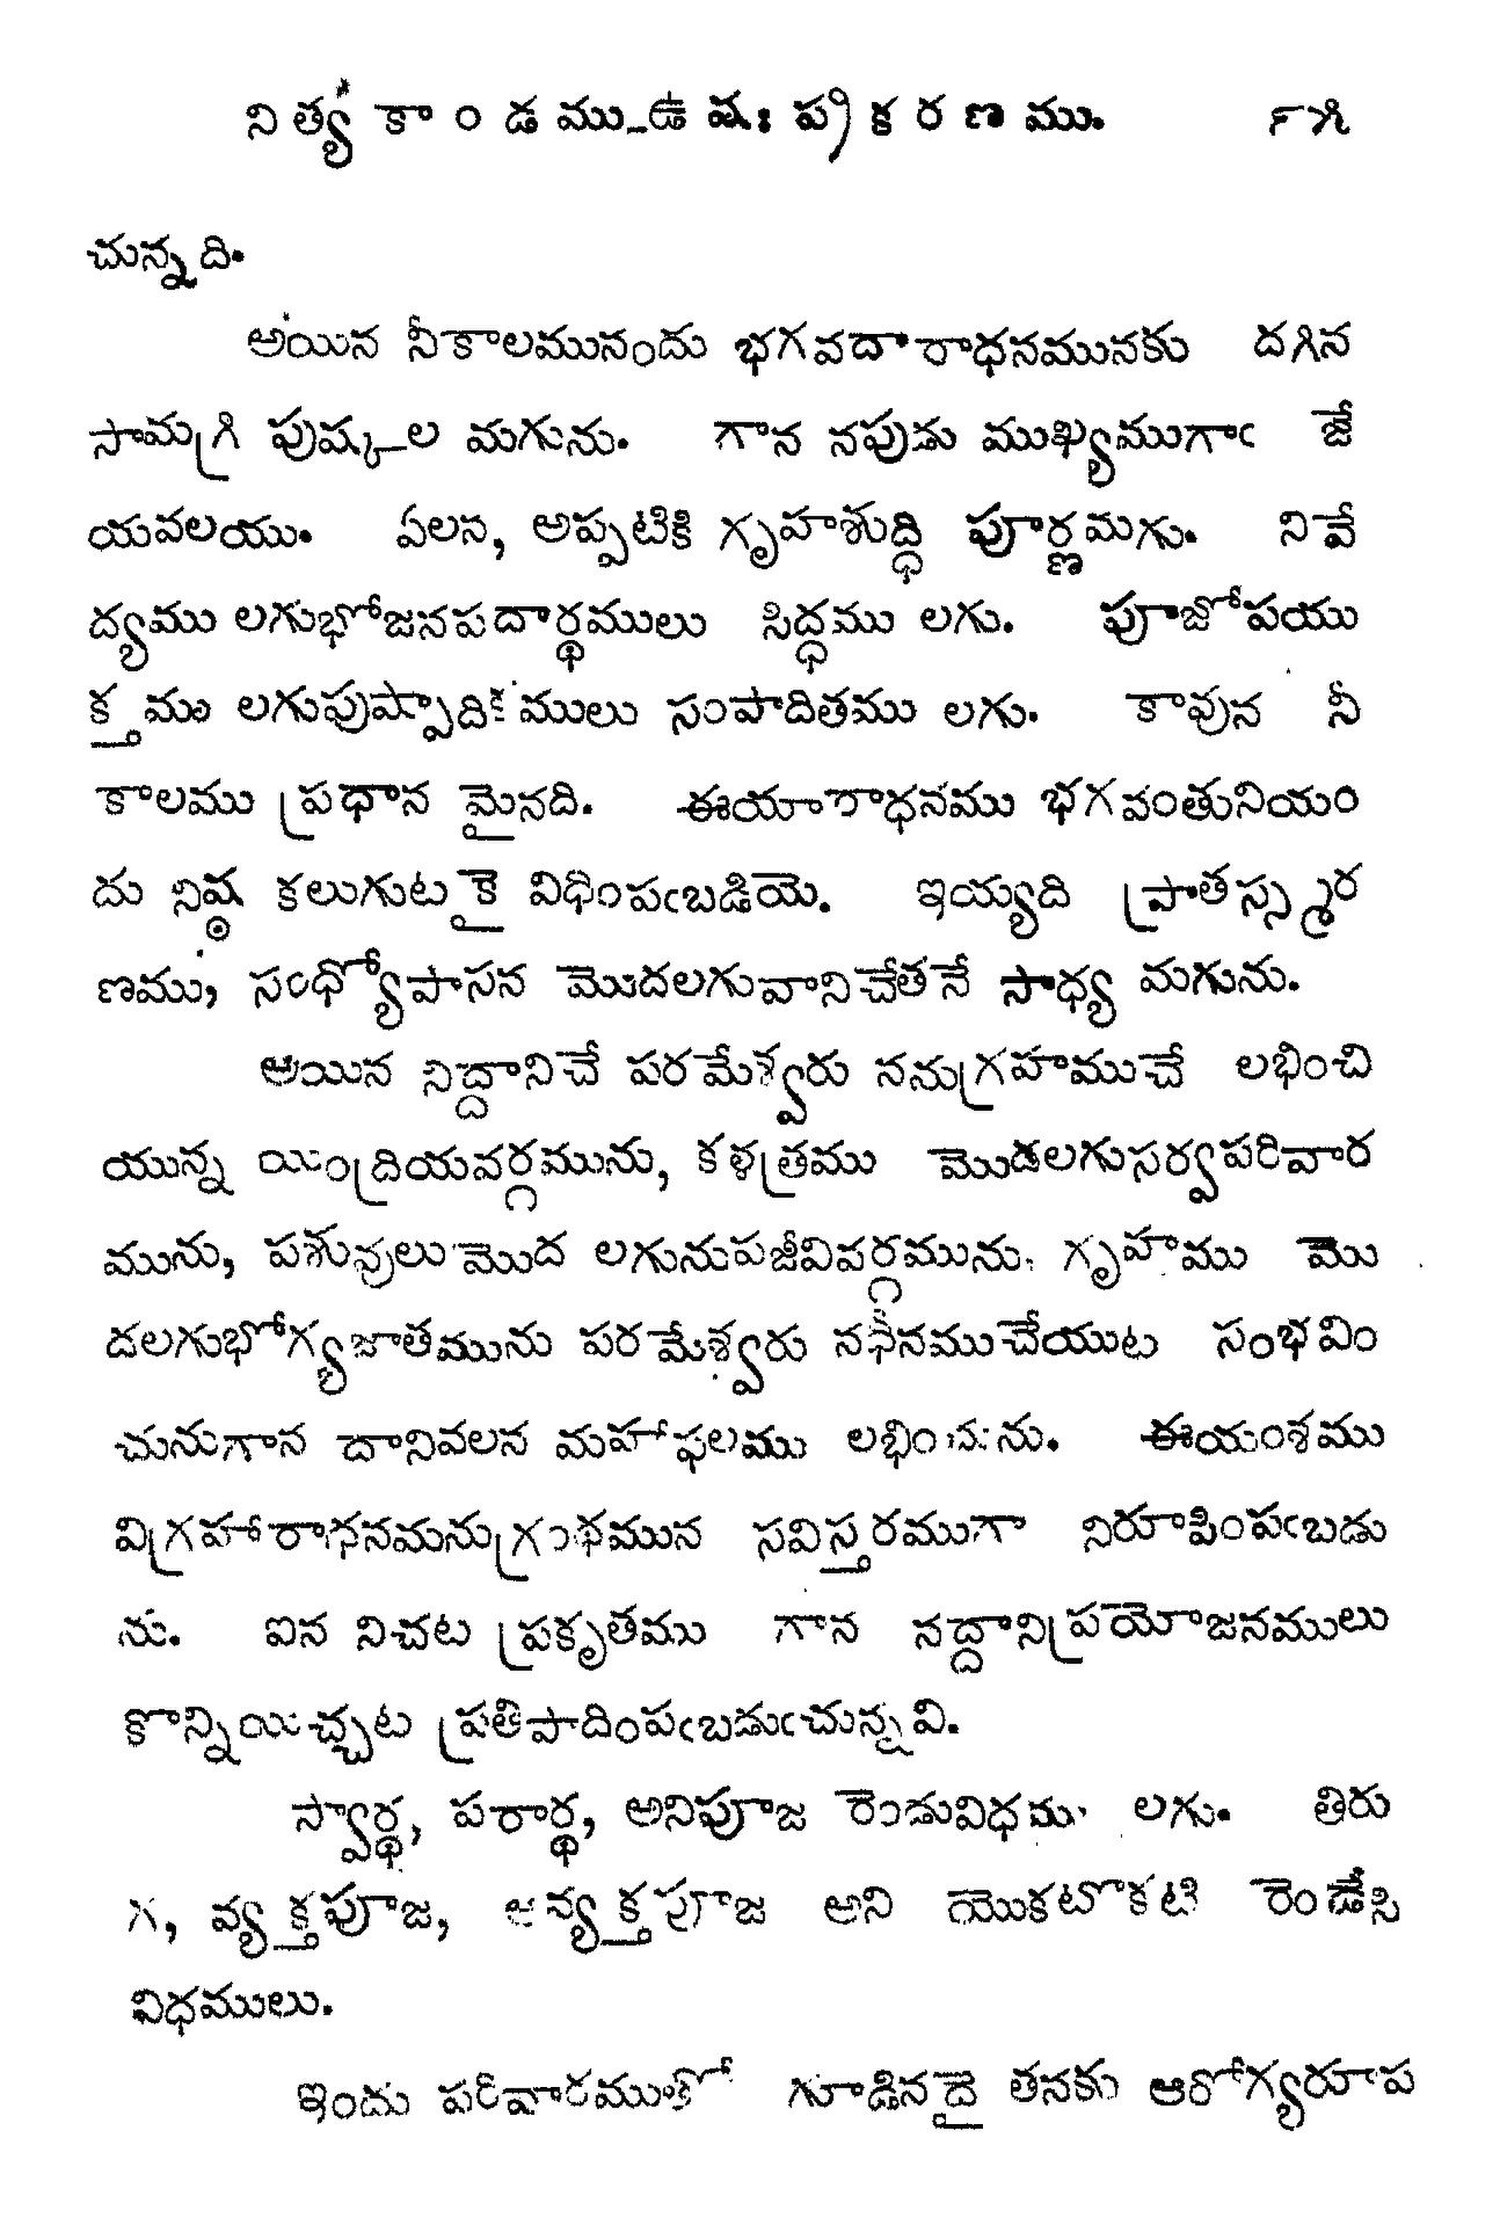చున్నది.

అయిన నీకాలమునందు భగవదారాధనమునకు దగిన సామగ్రి పుష్కల మగును. గాన నపుడు ముఖ్యముగాఁ జేయవలయు. ఏలన, అప్పటికి గృహశుద్ధి పూర్ణమగు నివేద్యము లగుభోజనపదార్థములు సిద్ధము లగు. పూజోపయుక్తము లగుపుష్పాదికములు సంపాదితము లగు. కావున నీకాలము ప్రధాన మైనది. ఈయారాధనము భగవంతునియందు నిష్ఠ కలుగుటకై విధింపఁబడియె. ఇయ్యది ప్రాతస్స్మరణము, సంధ్యోపాసన మొదలగువానిచేతనే సాధ్య మగును.

అయిన నిద్దానిచే పరమేశ్వరు ననుగ్రహముచే లభించియున్న యింద్రియవర్గమును, కళత్రము మొదలగు సర్వపరివారమును, పశువులు మొదలగునుపజీవివర్గమును గృహము మొదలగుభోగ్యజాతమును పరమేశ్వరు నధీనముచేయుట సంభవించునుగాన దానివలన మహాఫలము లభించును. ఈయంశము
విగ్రహారాధనమనుగ్రంథమున సవిస్తరముగా నిరూపింపఁబడును. ఐన నిచట ప్రకృతము గాన నద్దానిప్రయోజనములు కొన్నియిచ్చట ప్రతిపాదింపఁబడుఁచున్నవి.

స్వార్థ, పరార్థ, అనిపూజ రెండువిధము లగు. తిరుగ, వ్యక్తపూజ, అవ్యక్తపూజ అని యొకటొకటి రెండేసి
విధములు.

ఇందు పరివారముతో గూడినదై తనకు ఆరోగ్యరూప